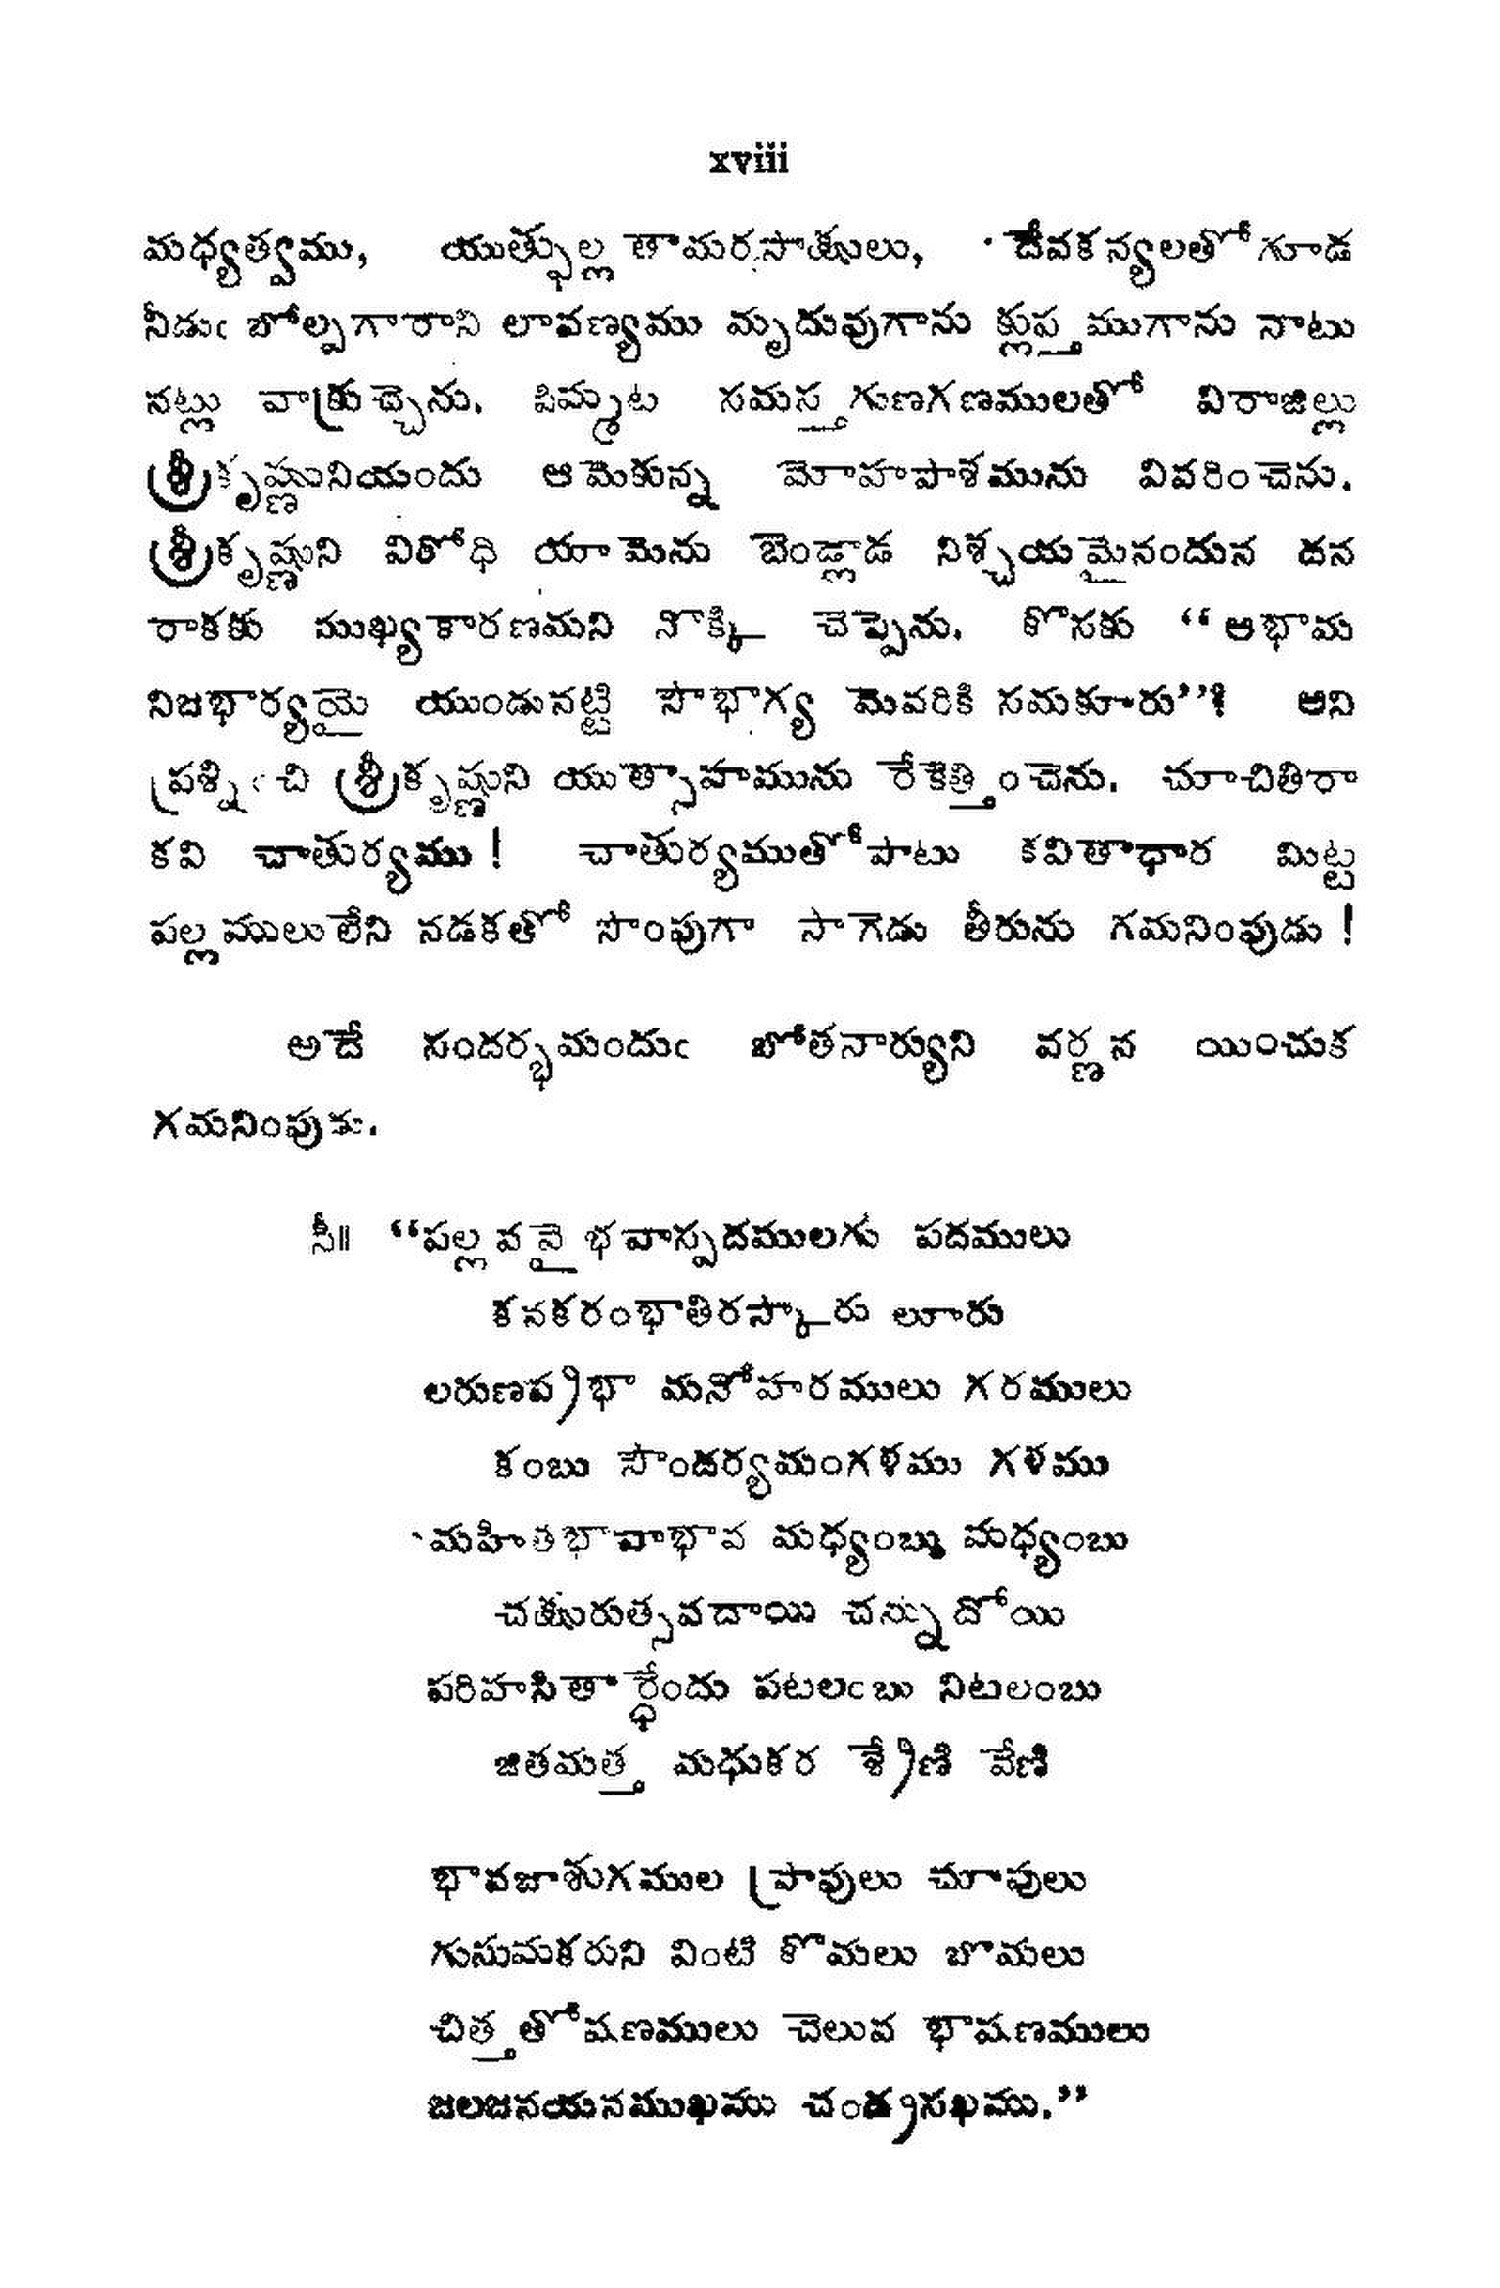మధ్యత్వము, యత్ఫుల్లతామరసాక్షులు, దేవకన్యలతో గూడ నీడుఁబోల్పగారాని లావణ్యము మృదువుగాను క్లుప్తముగాను నాటునట్లు వాక్రుచ్చెను. పిమ్మట సమస్తగుణగణములతో విరాజిల్లు శ్రీకృష్ణునియందు ఆమెకున్న మోహపాశమును వివరించెను. శ్రీకృష్ణుని విరోధి యామెను బెండ్లాడ నిశ్చయమైనందున దనరాకకు ముఖ్యకారణమని నొక్కి చెప్పెను. కొసకు “ఆభామ నిజభార్యయై యుండునట్టి సౌభాగ్య మెవరికి సమకూరు?” అని ప్రశ్నించి శ్రీకృష్ణుని యుత్సాహమును రేకెత్తించెను. చూచితిరా కవి చాతుర్యము! చాతుర్యముతోపాటు కవితాధార మిట్టపల్లములులేని నడకతో సొంపుగా సాగెడు తీరును గమనింపుడు! 

అదే సందర్భమందుఁ బోతనార్యుని వర్ణన యించుక గమనింపుడు.